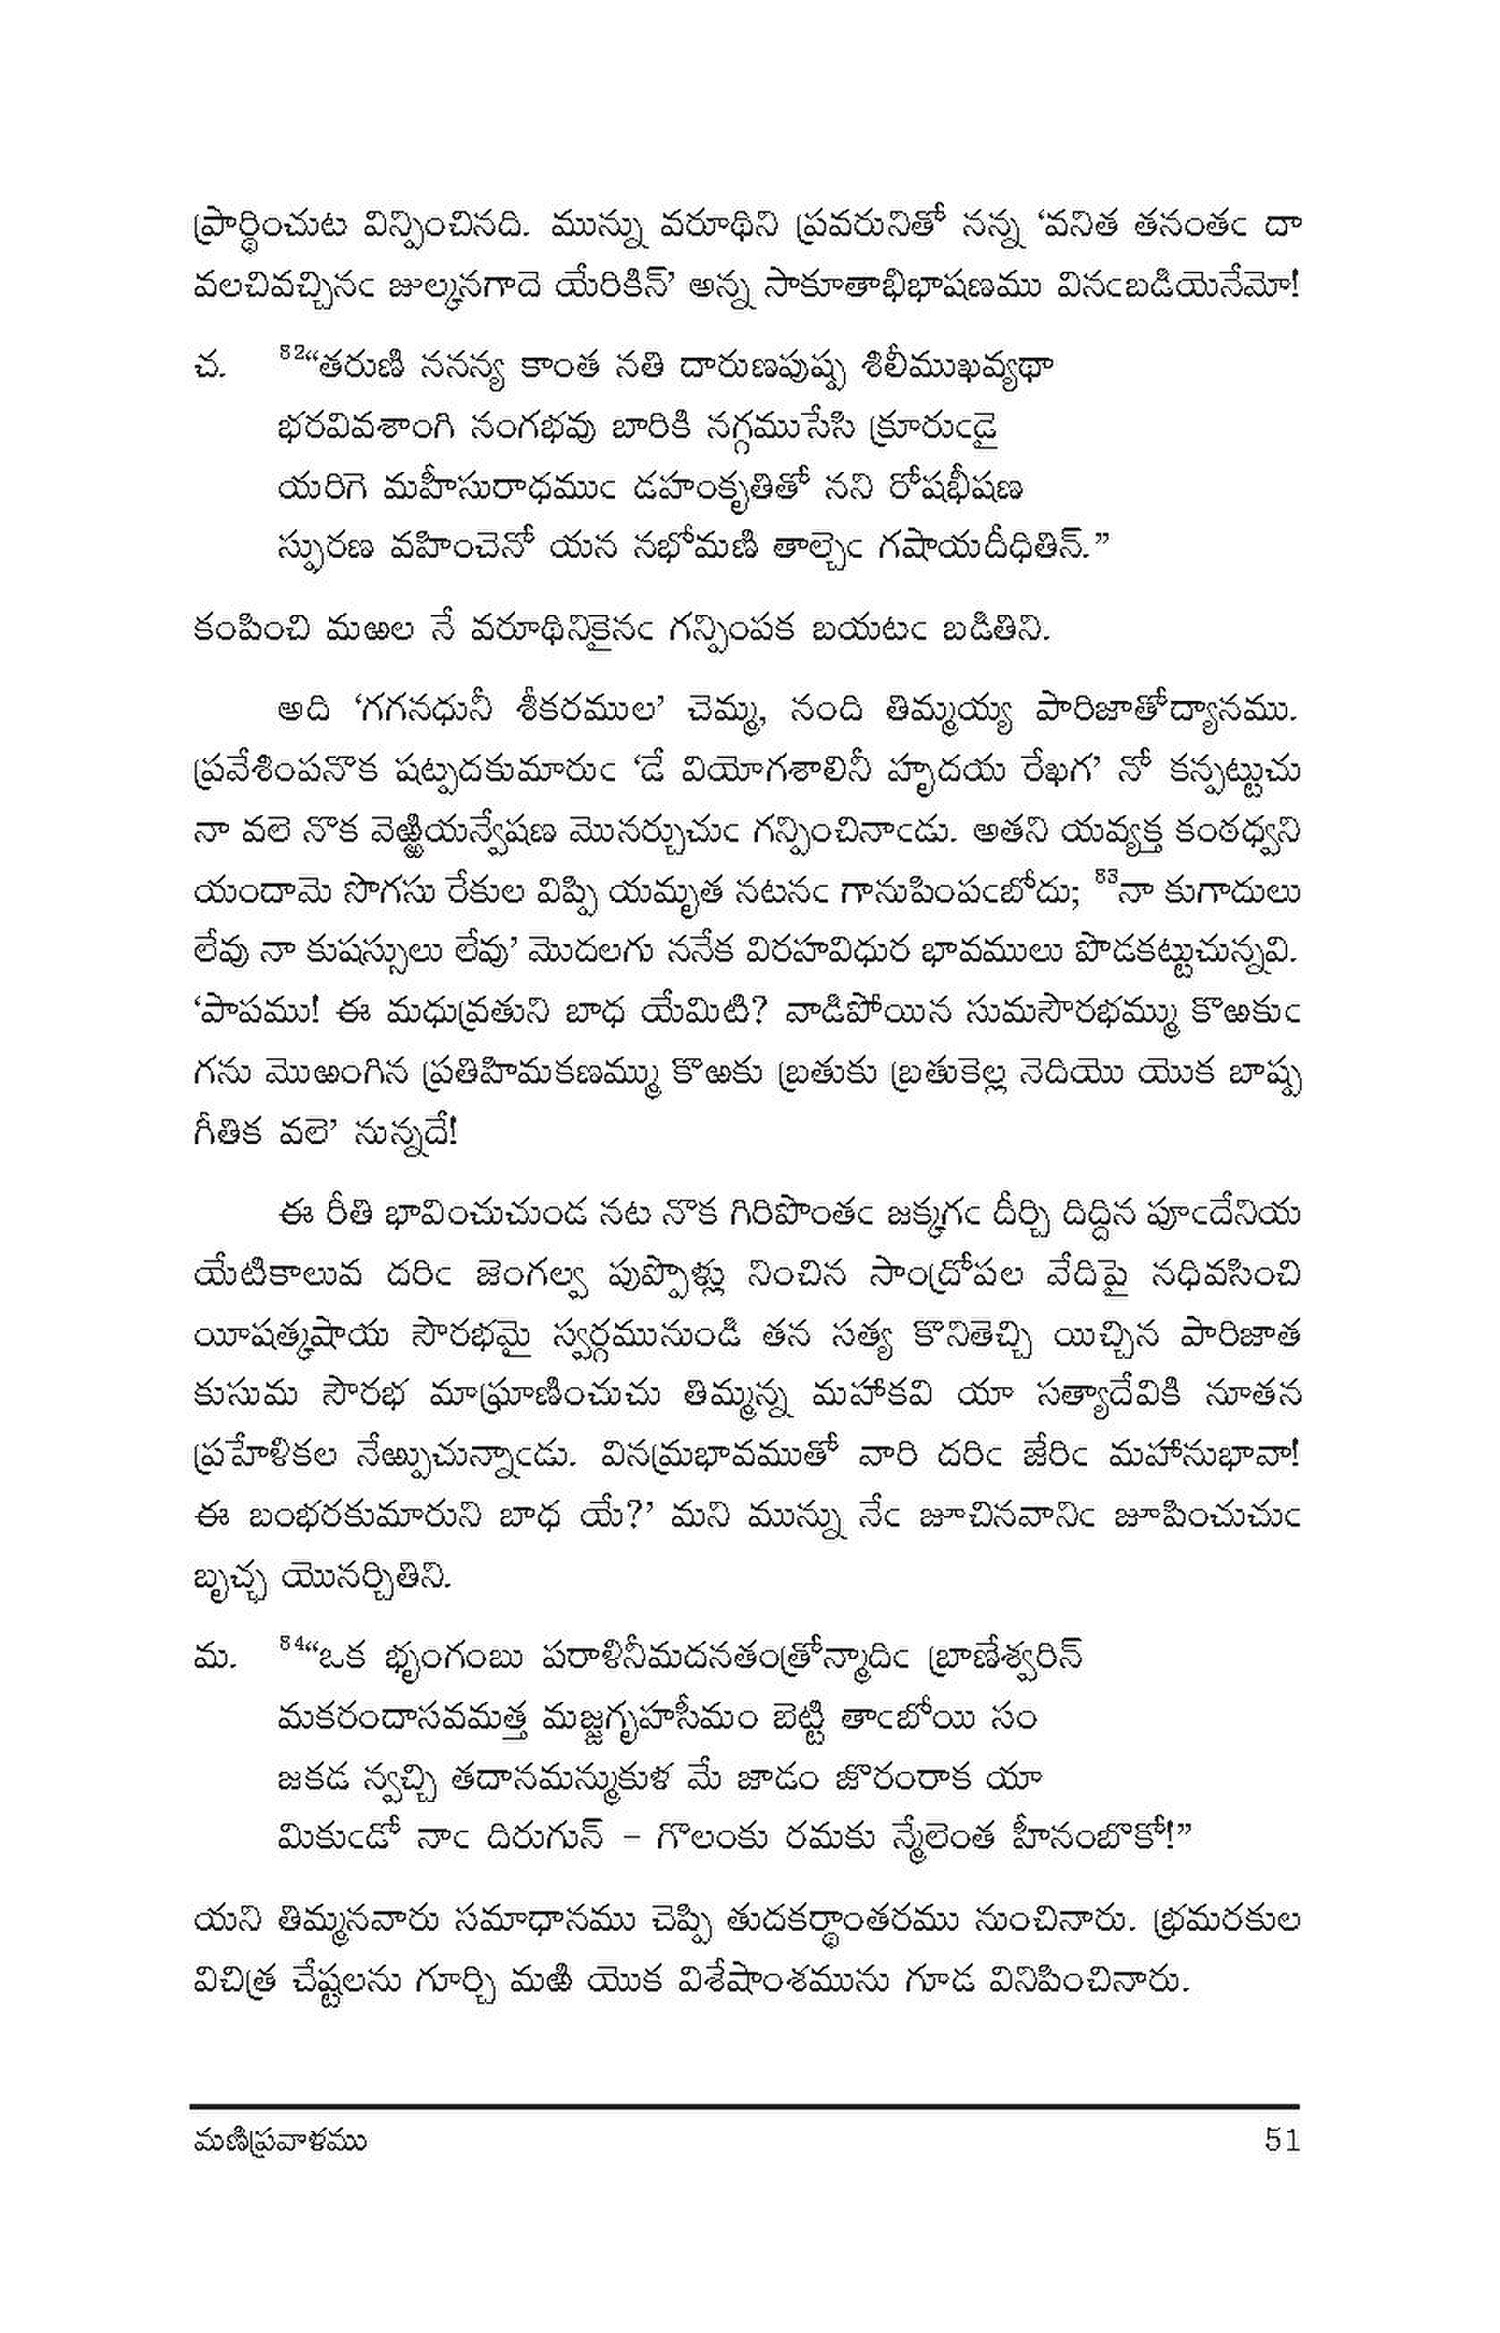ప్రార్థించుట విన్పించింది. మున్ను వరూధిని ప్రవరునితో నన్న 'వనిత తనంతఁ దా
వలచివచ్చినఁ జుల్కనగాదె యేరికిన్' అన్న సాకూతాభిభాషణము వినఁబడియెనేమో!

చ. "తరుణి ననన్య కాంత నతి దారుణపుష్ప శిలీముఖవ్యథా
 భరవివశాంగి సంగభవు బారికి నగ్గముసేసి క్రూరుఁడై
 యరిగె మహీసురాధముఁ డహంకృతితో నని రోషభీషణ
 స్ఫురణ వహించెనో యన నభోమణి తాల్చెఁ గషాయదీధితిన్.”

కంపించి మఱల నే వరూథినికైనఁ గన్పింపక బయటఁ బడితిని.

అది 'గగనధునీ శీకరముల' చెమ్మ, నంది తిమ్మయ్య పారిజాతోద్యానము.
ప్రవేశింపనొక షట్పదకుమారుఁ 'డే వియోగశాలినీ హృదయ రేఖగ’ నో కన్పట్టుచు
నా వలె నొక వెఱ్ఱియన్వేషణ మొనర్చుచుఁ గన్పించినాఁడు. అతని యవ్యక్త కంఠధ్వని
యందామె సొగసు రేకుల విప్పి యమృత నటనఁ గానుపింపఁబోదు; నా కుగాదులు
లేవు నా కుషస్సులు లేవు' మొదలగు ననేక విరహవిధుర భావములు పొడకట్టుచున్నవి.
'పాపము! ఈ మధువ్రతుని బాధ యేమిటి? వాడిపోయిన సుమసౌరభమ్ము కొఱకుఁ
గను మొఱంగిన ప్రతిహిమకణమ్ము కొఱకు బ్రతుకు బ్రతుకెల్ల నెదియొ యొక బాష్ప
గీతిక వలె' నున్నదే!

ఈ రీతి భావించుచుండ నట నొక గిరిపొంతఁ జక్కగఁ దీర్చి దిద్దిన పూఁదేనియ
యేటికాలువ దరిఁ జెంగల్వ పుప్పొళ్లు నించిన సాంద్రోపల వేదిపై నధివసించి
యీషత్కషాయ సౌరభమై స్వర్గమునుండి తన సత్య కొనితెచ్చి యిచ్చిన పారిజాత
కుసుమ సౌరభ మాఘ్రాణించుచు తిమ్మన్న మహాకవి యా సత్యాదేవికి నూతన
ప్రహేళికల నేఱ్పుచున్నాఁడు. వినమ్రభావముతో వారి దరిఁ జేరిఁ మహానుభావా!
ఈ బంభరకుమారుని బాధ యే?” మని మున్ను నేఁ జూచినవానిఁ జూపించుచుఁ
బృచ్ఛ యొనర్చితిని.

మ. “ఒక భృంగంబు పరాళినీమదనతంత్రోన్మాదిఁ బ్రాణేశ్వరిన్
 మకరందాసవమత్త మజ్జగృహసీమం బెట్టి తాఁబోయి సం
 జకడ న్వచ్చి తదానమన్ముకుళ మే జాడం జొరంరాక యా
 మికుఁడో నాఁ దిరుగున్ - గొలంకు రమకు న్మేలెంత హీనంబొకో!"

యని తిమ్మనవారు సమాధానము చెప్పి తుదకర్థాంతరము నుంచినారు. భ్రమరకుల
విచిత్ర చేష్టలను గూర్చి మఱి యొక విశేషాంశమును గూడ వినిపించినారు.